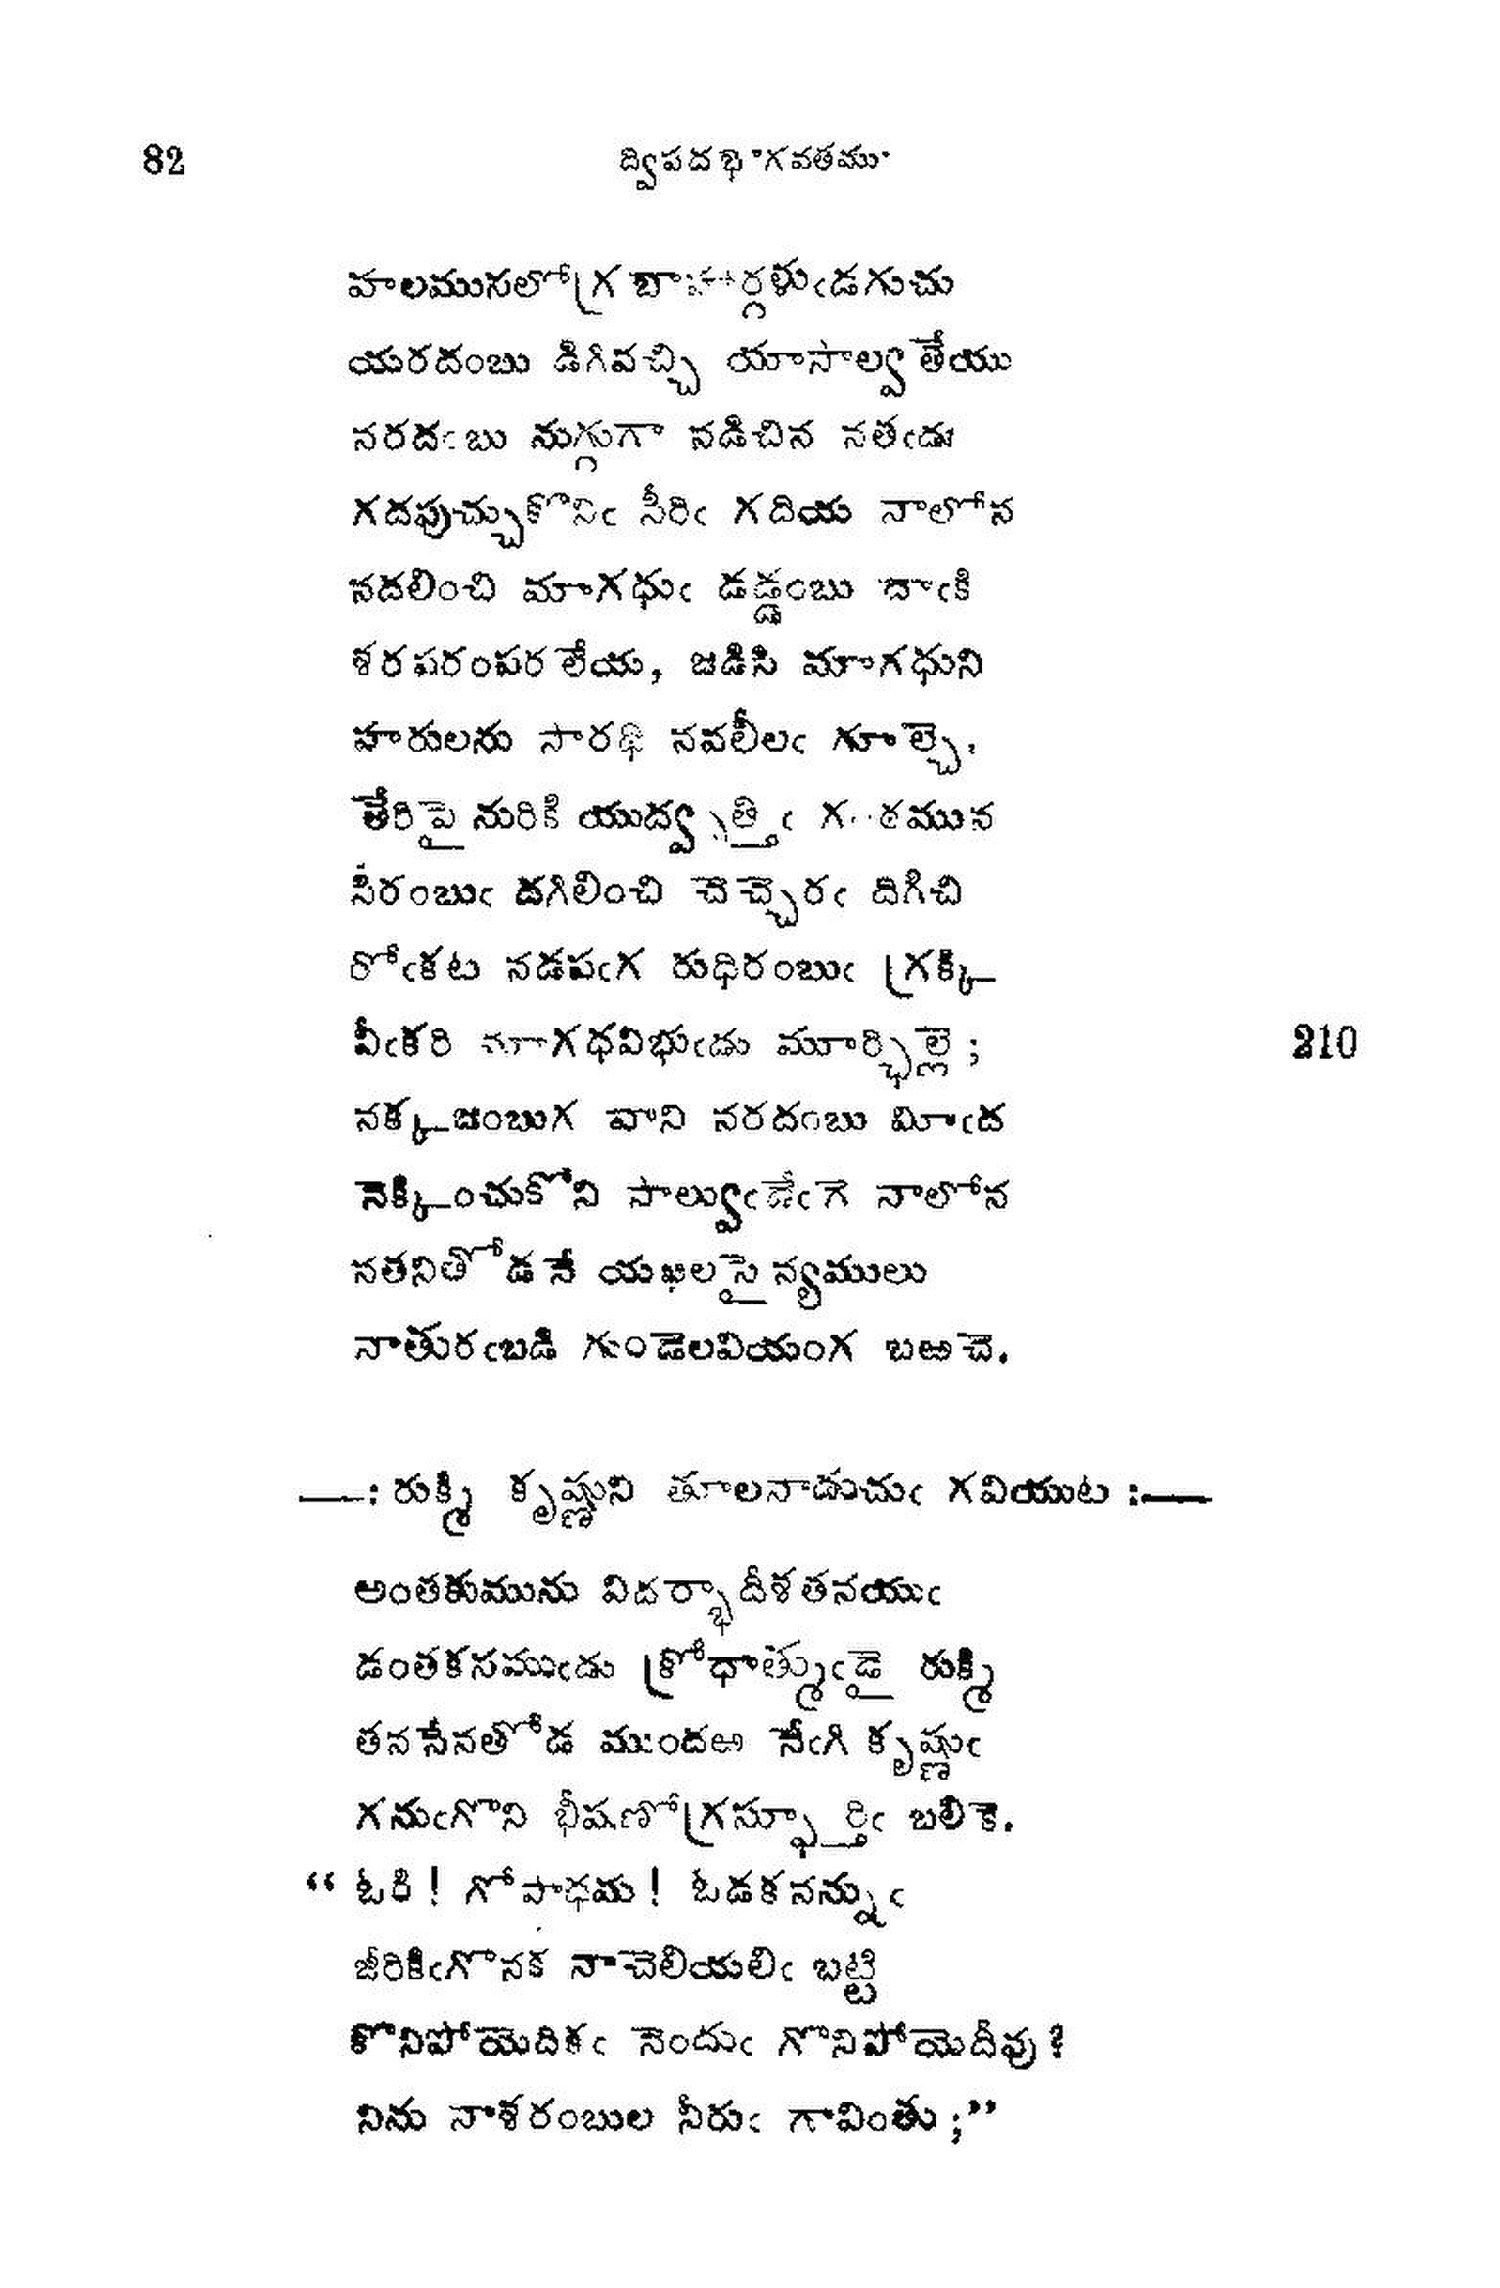హలముసలోగ్రబాహార్గళుఁడగుచు
యరదంబు డిగివచ్చి యాసాల్వతేయు
నరదంబు నుగ్గుగా నడిచిన నతఁడు
గదపుచ్చుకొనిఁ సీరిఁ గదియ నాలోన
నదలించి మాగధుఁ డడ్డంబు దాఁకి
శరపరంపర లేయ, జడిసి మాగధుని
హరులను సారథి నవలీలఁ గూల్చె,
తేరిపై నురికి యుద్వృత్తిఁ గంఠమున
సీరంబుఁ దగిలించి చెచ్చెరఁ దిగిచి
రోఁకట నడపఁగ రుధిరంబుఁ గ్రక్కి
వీఁకరి మాగధవిభుఁడు మూర్ఛిల్లె;
నక్కజంబుగ వాని నరదంబు మీఁద
నెక్కించుకొని సాల్వుఁ డేఁగె నాలోన
నతనితోడనె యఖిలసైన్యములు
నాతురఁబడి గుండెలవియంగ బఱచె.

అంతకుమును విదర్భాధీశతనయుఁ
డంతకసముఁడు క్రోధాత్ముఁడై రుక్మి
తనసేనతోడ ముందఱ నేఁగి కృష్ణు
గనుఁగొని భీషణోగ్రస్ఫూర్తిఁ బలికె.
“ఓరి! గోపాధమ! ఓడక నన్ను
జీరికిఁగొనక నా చెలియలిఁ బట్టి
కొనిపోయెదికఁ నెందుఁ గొనిపోయె దీవు?
నిను నాశరంబుల నీరుఁ గావింతు;"